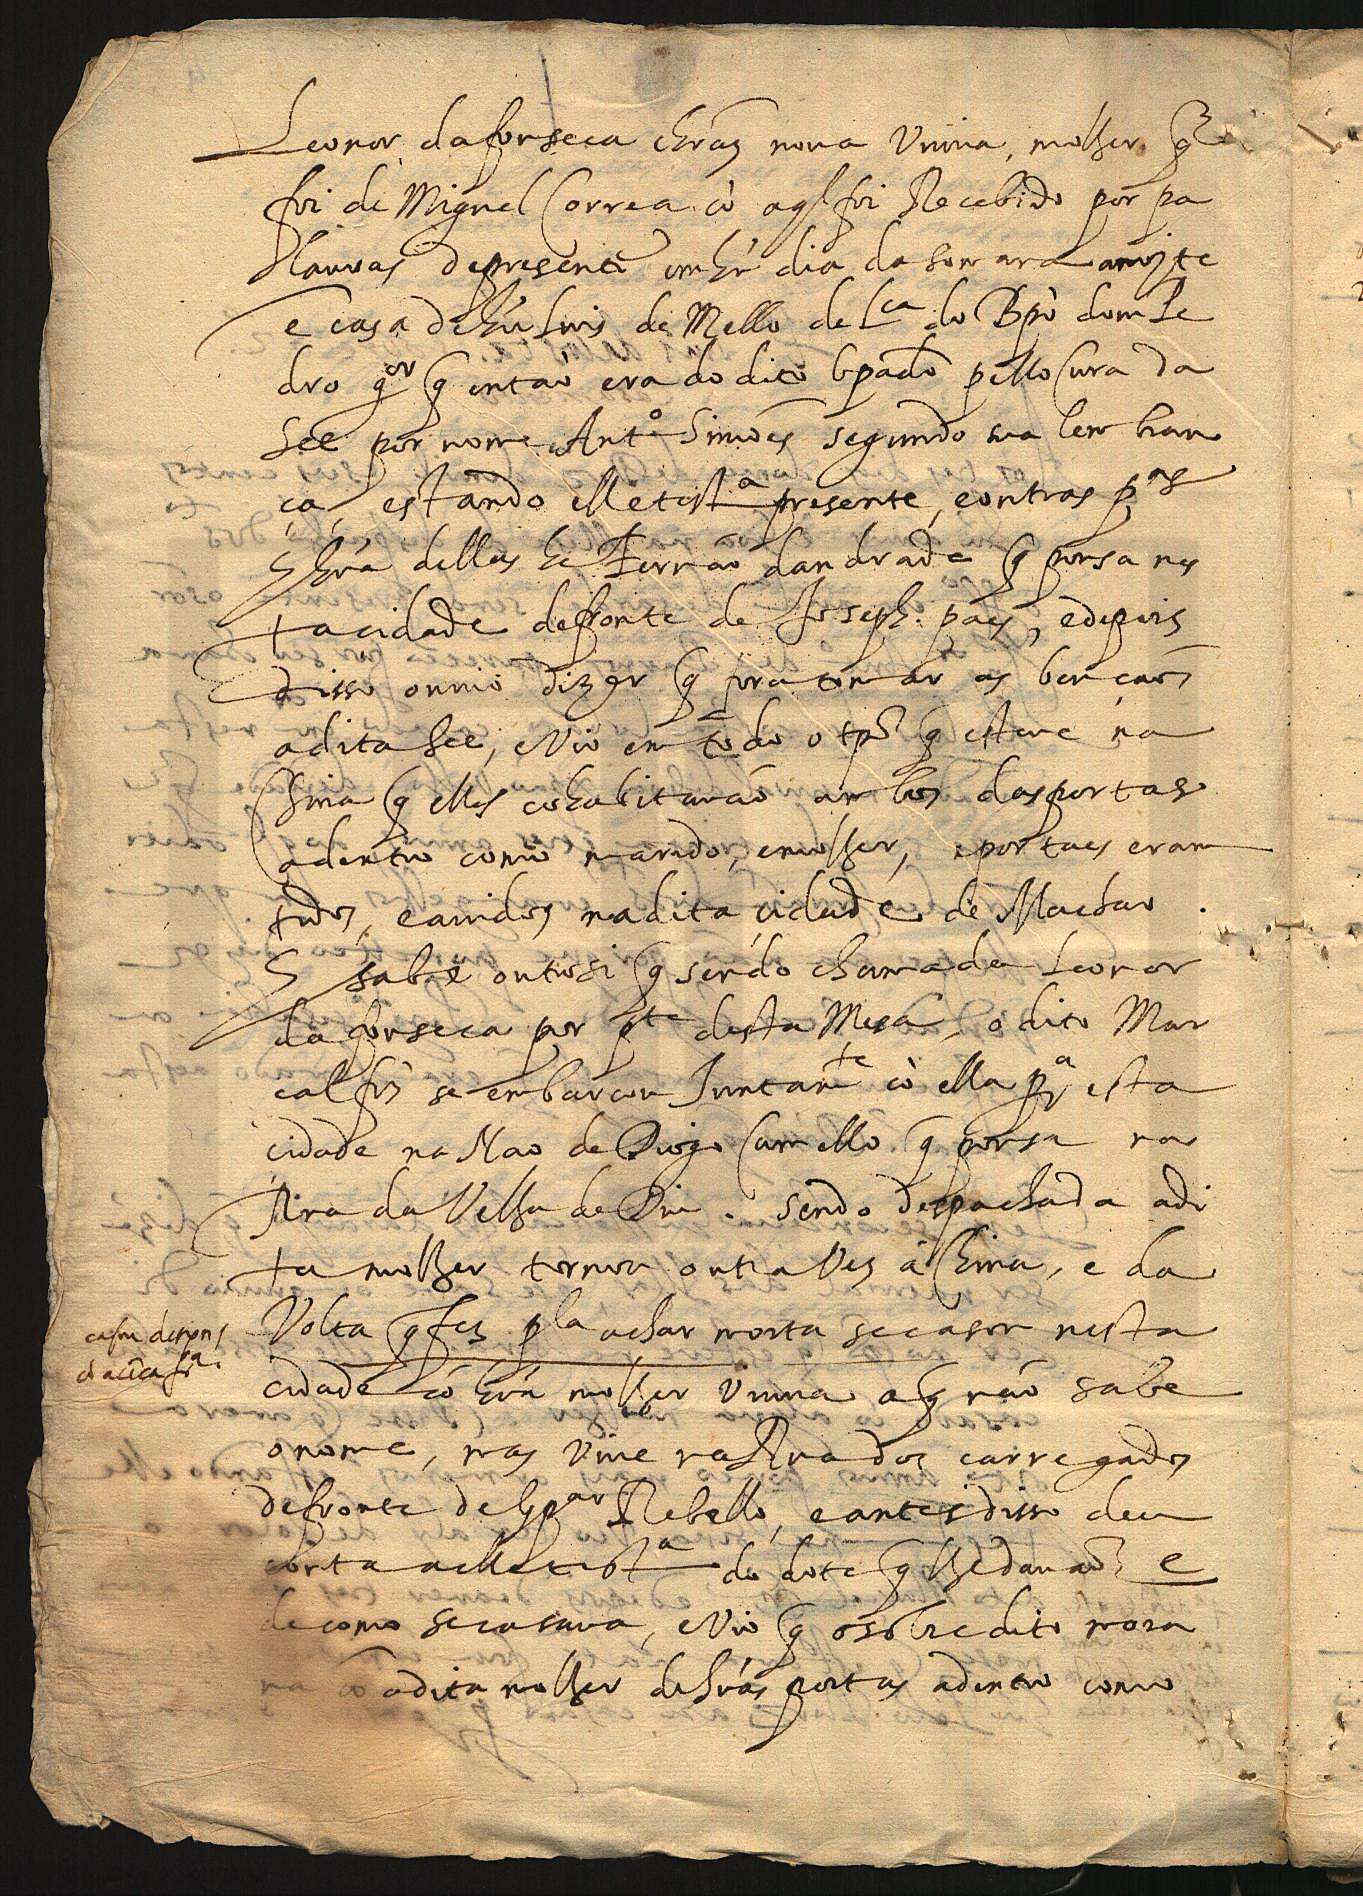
Leonor da fonseca chrām noua Viuua, molher q̄
foi de Miguel Correa cō a ql foi Recebido por pa
lauras de presente em hū dia da somana a nojte
ē casa de hū Luis de Mello de Lça do Bpō dom Pe
dro gor q̄ entaõ era do dito bpādo pello Cura da
See por nome Anto Simões segundo sua lembran
ça estando elle testa presente, e outras pas
E huā dellas he Ferrão dandrade q̄ pousa nes
ta cidade defronte de Joseph paes, e depois
disso ouuio dizer q̄ fora tomar as bençaõs
a dita see, e vio em todo o tpō q̅ esteue na
China q̄ elles cohabitavaõ ambos das portas
adentro como marido, e molher, e por taes eram
tidos, e auidos na dita cidade de Machao
E sabe outrosi q̄ sendo chamada Leonor
da fonseca por pte desta Mesa, o dito Mar
çal frz̄ se embarcou Iuntamte cō ella ꝑa esta
cidade na Nao de Diogo Camello q̄ pousa na
Rua da Velha de Diu. sendo despachada a di
ta molher tornou outra Ves à China, e da
Volta q̄ fez pla achar morta se casou nesta
casou despois
cō acēça fra
cidade cō huā molher viuua a q̄ naõ sabe
o nome, mas viue na Rua dos carregados
defronte de Gpar Rebello, e antes disso deu
conta a elle testa do dote q̅ lhe dauaõ e
de como se casava, e vio q̄ o sobredito mora
ua c̄o a dita molher de huās portas adentro como
